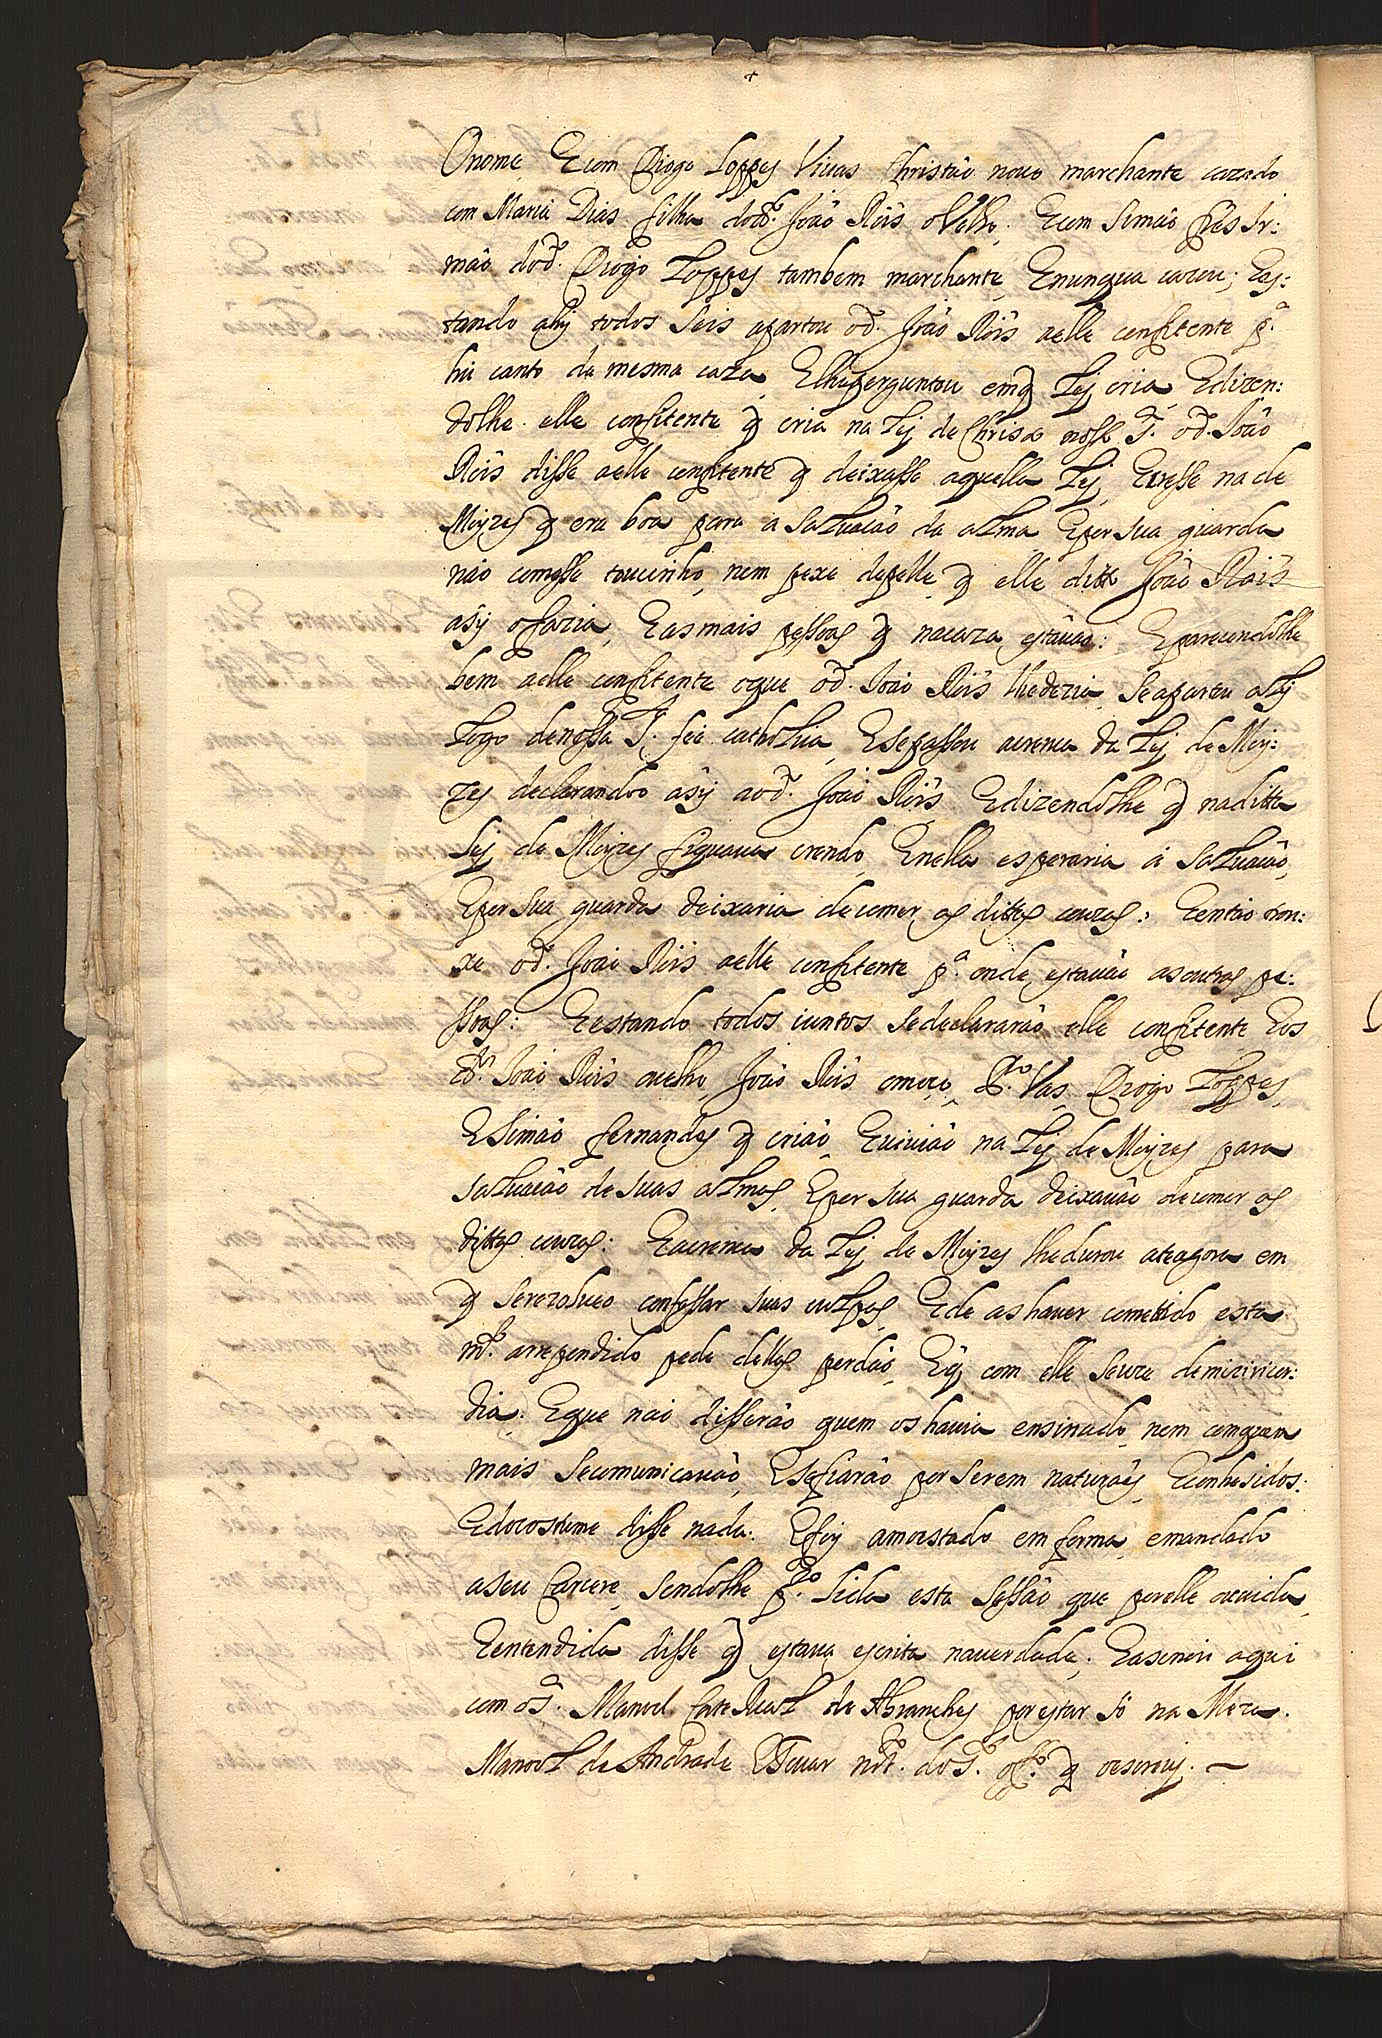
O nome E com Diogo Loppes Viuas Christão nouo marchante cazado
com Maria Dias filha do d̄o. Joaõ Rois̄ o Velho; E com Simaõ frēs Ir
maõ do dō. Diogo Loppes tambem marchante, E nunqua cazou; E es
tando ahy todos Seis apartou o d̄. Joaõ Rois̄ a elle confitente p.a
hū canto da mesma caza, E lhe perguntou em q̄ Lej cria, E dizen
dolhe elle confitente q̄ cria na Lej de Christo nosso s.or o d̄o. Ioaõ
Rois̄ disse a elle confitente q̄ deixasse aquella Lej, E cresse na de
Moyzes q̄ era boa para a SaLuacaõ da aLma E por sua guarda
naõ comesse toucinho nem pexe de pelle, q̄ elle ditto Joaõ Rois̄
asy o fazia, E as mais pessoas q̄ na caza estaūao: E parecendolhe
bem a elle confitente o que o d̄. Ioaõ Rois̄ lhe dezia, Se apartou aLy
Logo de nossa Sta. feé cathoLica, E se passou a crenca da Lej de Moy
zes declarando asy ao d̄. Joaõ Rois̄ E dizendolhe q̄ na ditaa
Lej de Moyzes fiquaua crendo, E nella esperaria á SaLuacaõ,
E por Sua guarda deixaria de comer as dittas couzas. E entaõ trou
xe o d̄. Joaõ Rois̄ a elle confitente p.a onde estauaõ as outras pe
ssoas: E estando todos iuntos Se declararaõ elle confitente E os
d̄os. Ioaõ Rois̄ o uelho, Joaõ Rois̄ o moço, P.o Vas, Diogo Loppes,
E Simaõ fernandes q̄ criaõ, E uiuiaõ na Lej de Moyzes para
saLuacaõ de suas aLmas, E por sua guarda deixauaõ de comer as
dittas couzas: E a crenca da Lej de Moyzes lhe durou ate agora em
q̄ Se rezolueo confessar suas cuLpas, E de as hauer comettido esta
mto. arrependido pede dellas perdaõ, E q̄ com elle Se uze de miziricor
dia; E que naõ disserão quem os hauia ensinado, nem com quem
mais Se comunicauaõ, E se fiaraõ por serem naturaēs, E conhesidos.
E do costume disse nada. E foy amoestado em forma, e mandado
a seu Carcere, Sendolhe p.ro Lida esta Sessão que por elle ouuida
E entendida disse q̄ estaua escrita na uerdade; E asinou aqui
com o sor. Manoel Corte ReaL de Abranches por estar só na Meza.
ManoeL de Andrade E Touar not.to do sto. off.o q̄ o escreuj. ~
